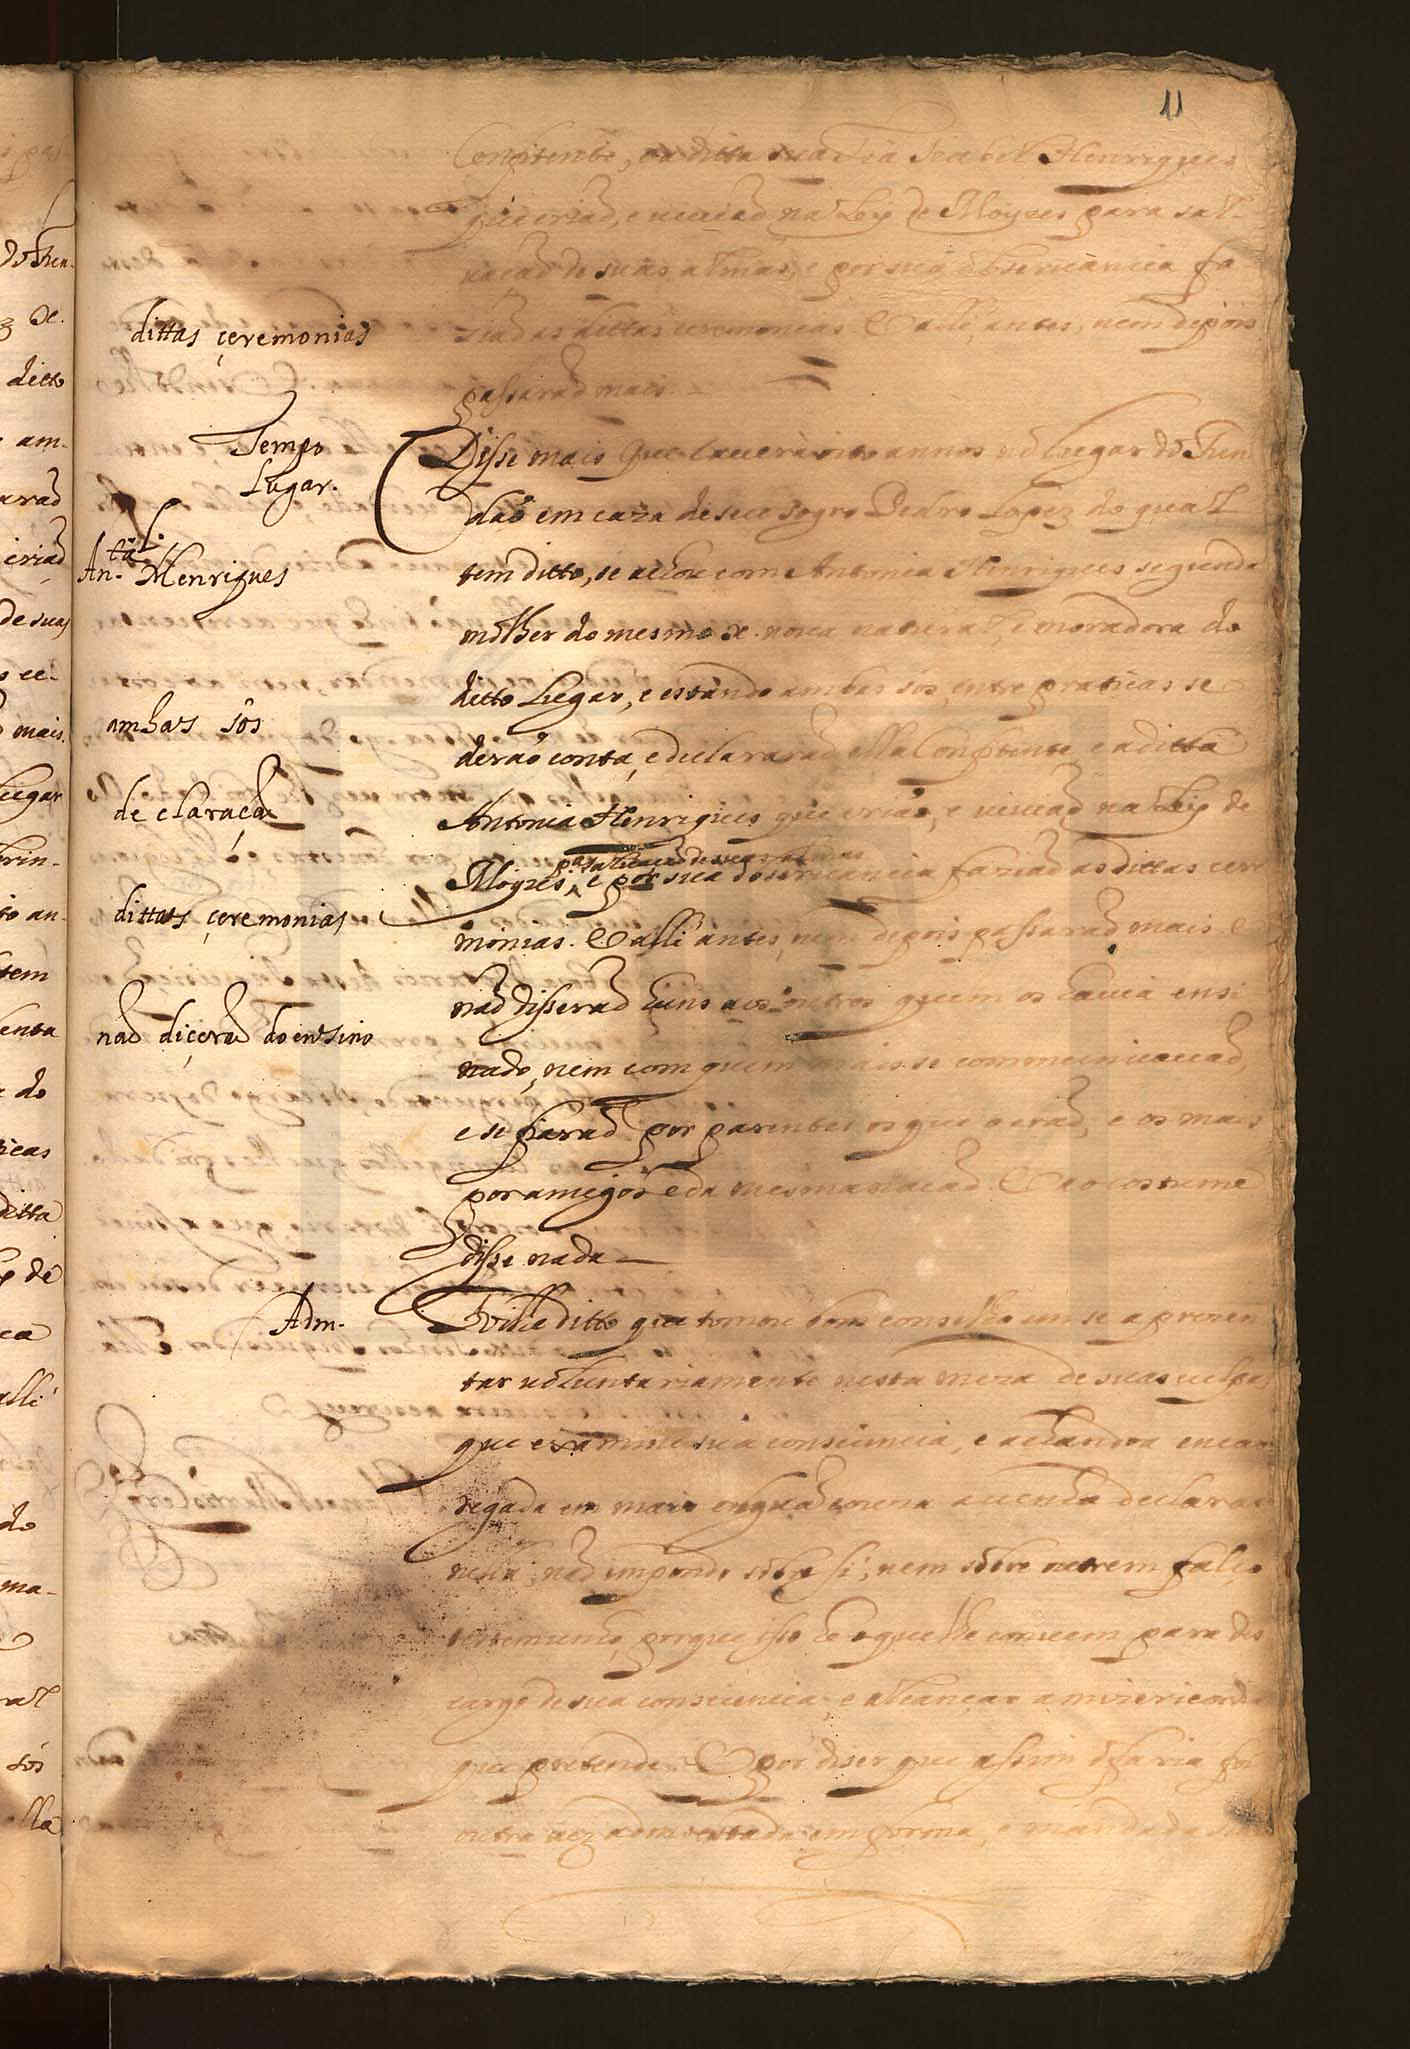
dittas çeremonias
Tempo
Lugar.
.L.
An.ta Henriques
ambas sós
declaraçaõ
dittas çeremonias
naõ diçeraõ do ensino
Adm.
Confitente, e a ditta sua Tia Izabel Henriques
que criaõ, e uiuiaõ na Ley de Moyzes para sal
uaçaõ de suas almas, e por sua obseruancia fa
ziaõ as dittas ceremonias e alli, antes, nem depois
passaraõ mais.
Disse mais que hauerà oito annos no lugar do Fun
daõ em caza de seu sogro Pedro Lopez do qual
tem ditto, se achou com Antonia Henriques segunda
molher do mesmo x. noua natural, e moradora do
ditto Lugar, e estando ambas sós, entre praticas se
deraõ conta, e declararaõ ella Confitente, e a dita
Antonia Henriques que criaõ, e uiuiaõ na Ley de
Moyzes
p.a saluaçaõ de suas almas
e por sua obseruancia faziaõ as dittas cere
monias. E alli antes, nem depois passaraõ mais e
naõ disseraõ huns aos outros quem os hauia ensi
nado, nem com quem mais se communicauaõ,
e se fiaraõ por parentes os que o eraõ, e os mais
por amigos e da mesma naçaõ. E ao costume
disse nada
Foilhe ditto que tomou bom conselho em se aprezen
tar uoluntariamente nesta meza de suas culpas
que examine sua consciencia, e achandoa encar
regada em mais alguā couza a uenha declarar
nella, naõ impondo sobre si, nem sobre outrem falço
testemunho, porque isso he o que lhe conuem para des
cargo de sua consciencia, e alcançar a mizericordia
que pretende. E por dizer que assim o faria foi
outra uez admoestada em forma, e mandada s_
